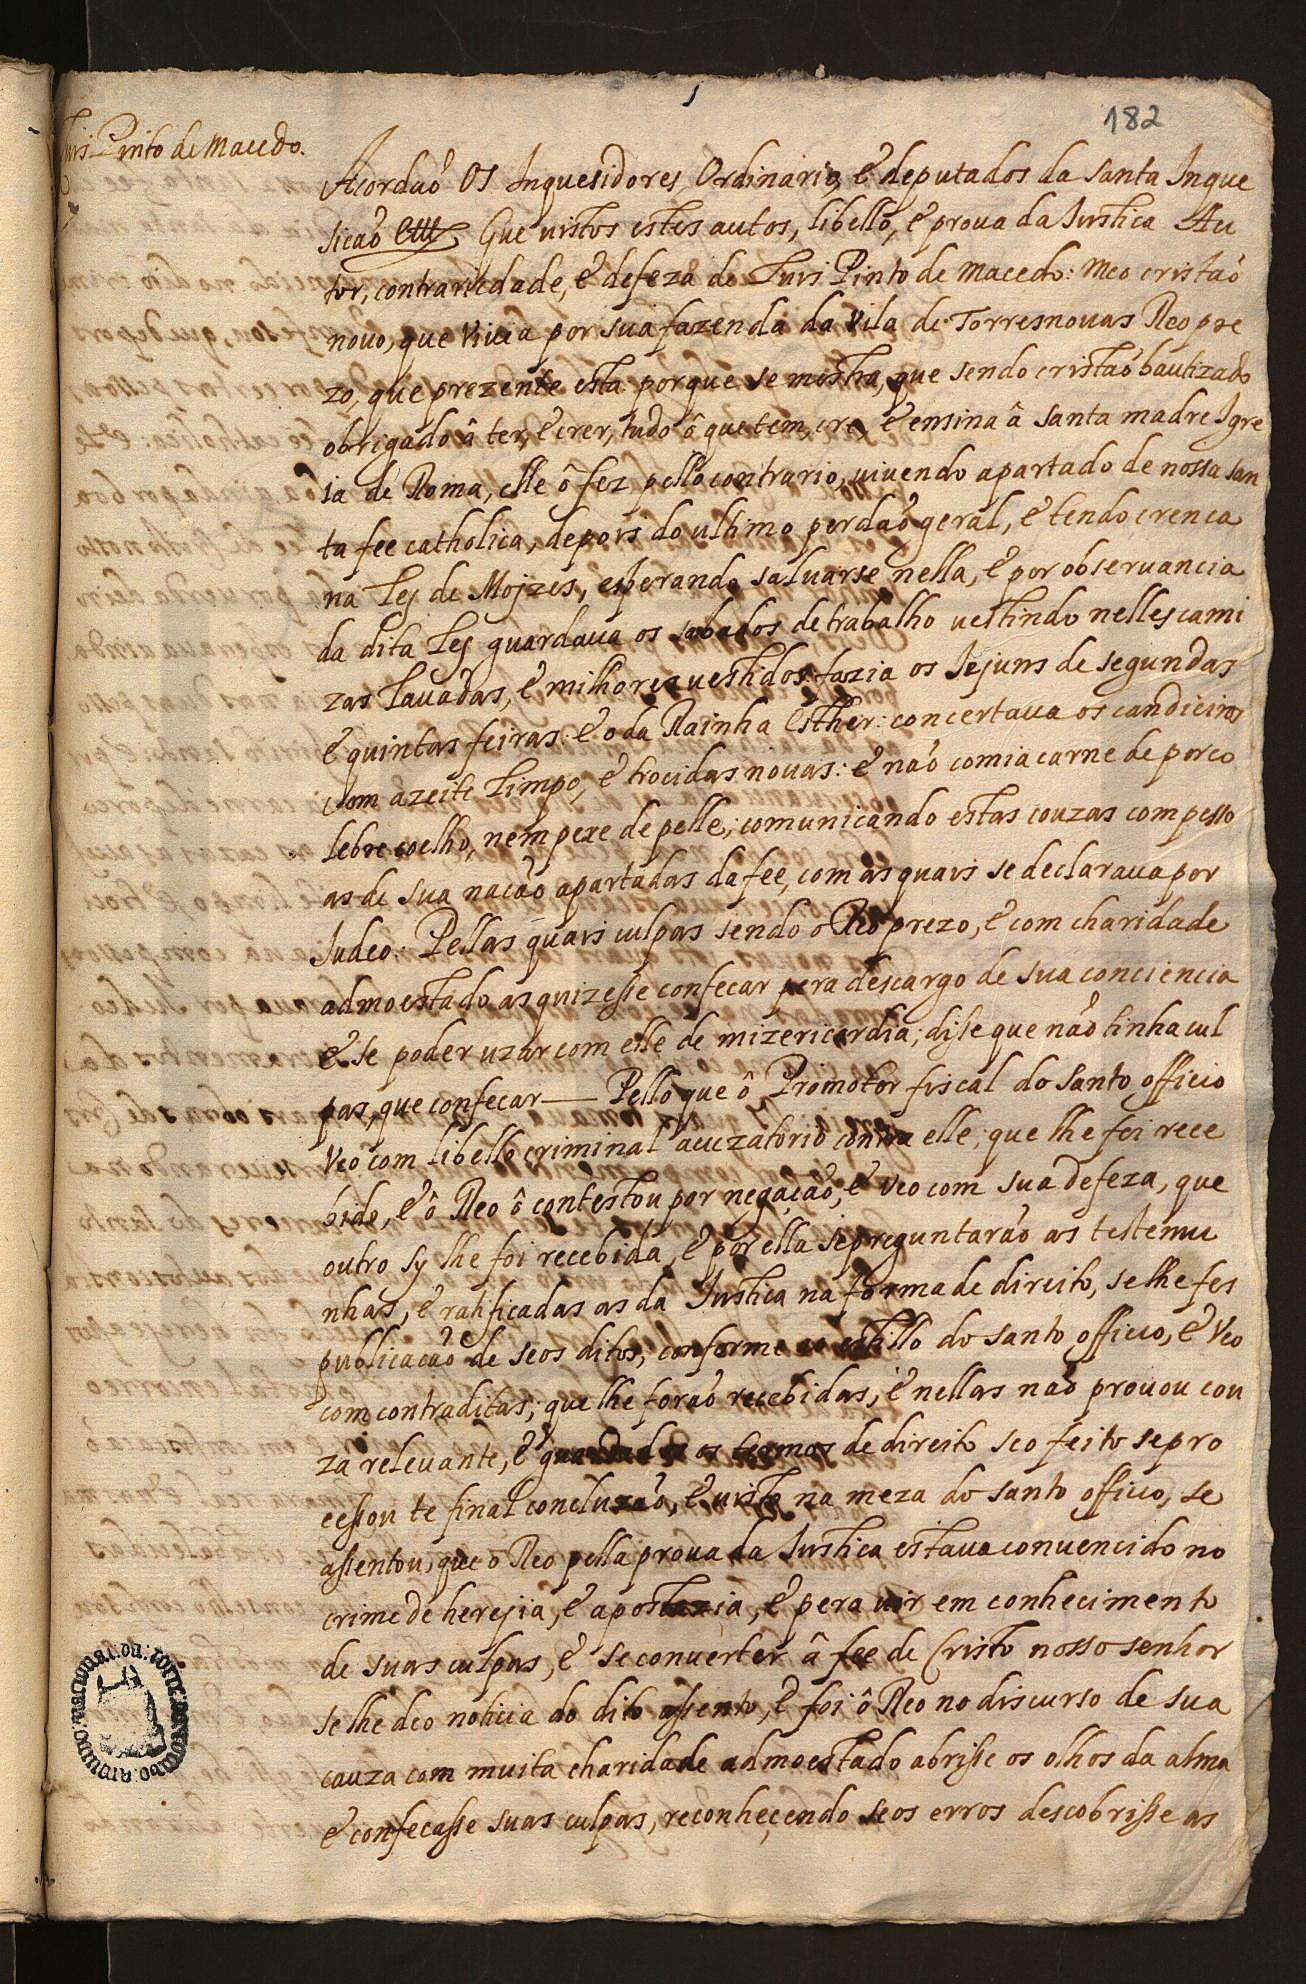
Luis Pinto de macedo.
Acordaõ os Inquesidores, Ordinario, e deputados da santa Inque
siçaõ etttꝭ Que uistos estes autos, libello, e proua da Iustiça Au
tor, contrariedade, e defeza de Luis Pinto de macedo: meo cristaõ
nouo, que Viuia por sua fazenda da vila de Torres nouas Reo pre
zo, que prezente esta porque se mostra, que sendo cristaõ bautizado
obrigado â ter, e crer, tudo ô que tem, cre e ensina â santa madre Igre
ia de Roma, elle ô fez pello contrario, uiuendo apartado de nossa san
ta fee catholica, depois do ultimo perdaõ geral, e tendo crença
na Lej de Mojzes, esperando saluarse nella, e por obseruancia
da dita Lej guardaua os sabados de trabalho uestindo nelles cami
zas Lauadas, e milhores uestidos fazia os Jejuns de segundas
e quintas feiras e o da Rainha esther concertaua os candieiros
com azeite Limpo, e trocidas nouas: e naõ comia carne de porco
Lebre coelho, nem pexe de pelle; comunicando estas couzas com pesso
as de sua nação apartadas da fee, com as quais se declaraua por
Iudeo. Pellas quais culpas sendo o Reo prezo, e com charidade
admoestado as quizesse confeçar pera descargo de sua conciencia
e se poder uzar com elle de mizericordia; dise que naõ tinha cul
pas, que confeçar - Pello que o Promotor fiscal do Santo officio
Veo com libello criminal acuzatorio contra elle, que lhe foi rece
bido, e o Reo ô contestou por negaçaõ, e veo com sua defeza, que
outro sy lhe foi recebida, e por ella se preguntarão as testemu
nhas, e ratificadas as da Iustiça na forma de direito, se lhe fes
publicação de seos ditos, conforme ao estillo do santo officio, e veo
com contraditas; que lhe foraõ recebidas, e nellas naõ prouou cou
za releuante, e guardado os termos de direito seo feito se pro
cessou te final concluzaõ, e uisto na meza do santo officio, se
assentou, que o Reo pella proua da Iustiça estaua conuencido no
crime de herejia, e apostazia, e pera uir em conhecimento
de suas culpas, e se conuerter â fee de Cristo nosso senhor
se lhe deo noticia do dito assento, e foi o Reo no discurso de sua
cauza com muita charidade admoestado abrisse os olhos da alma
e confeçasse suas culpas, reconhecendo se os erros descobrisse as
